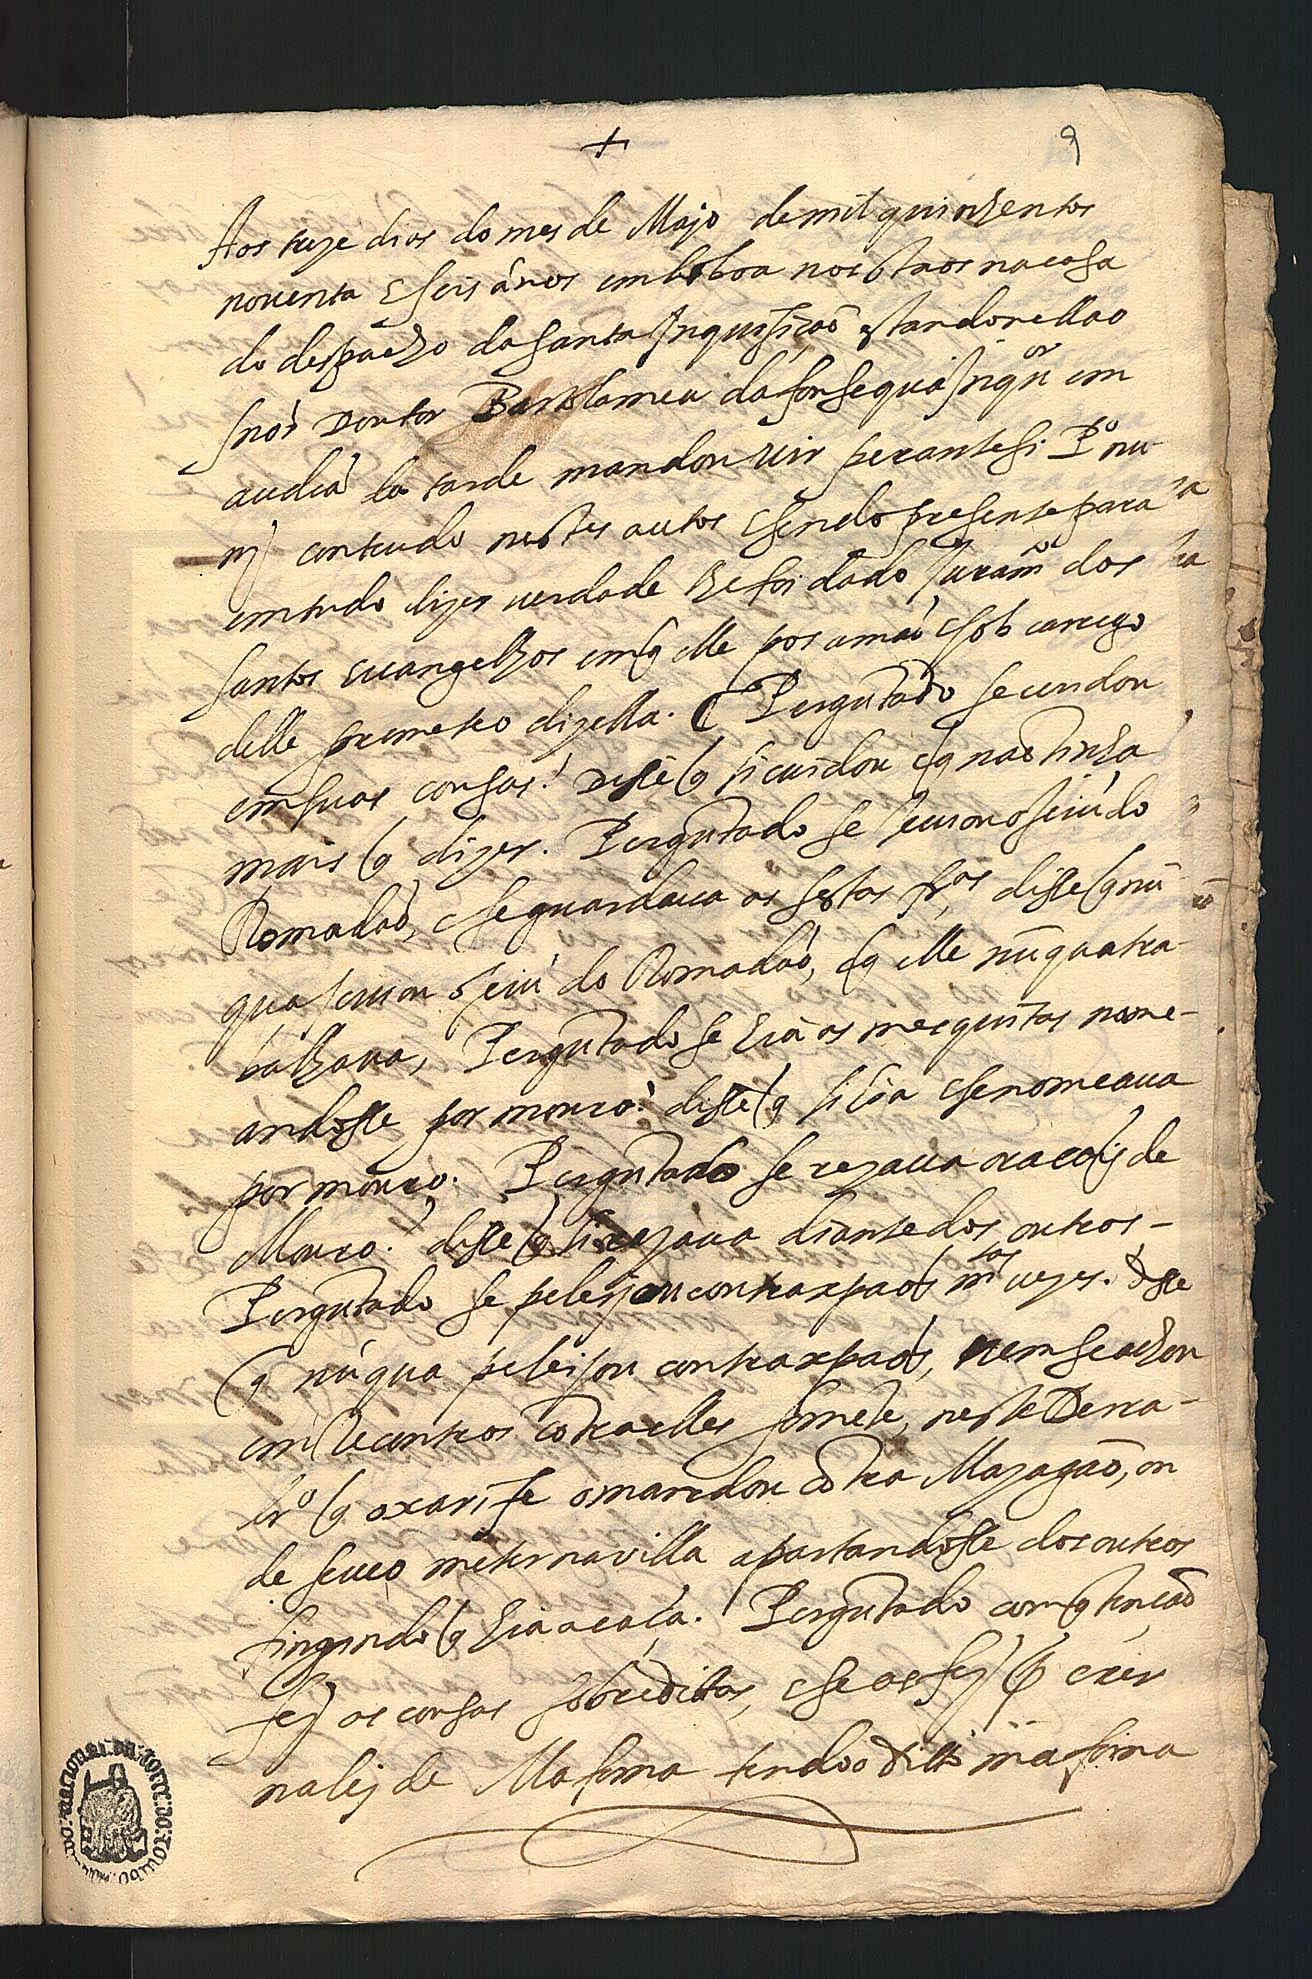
Aos treze dias do mes de Majo de mil quinhentos
nouenta E seis ānos em lisboa nos staos na casa
do despacho da santa Jnquisiçaõ estando nella o
snor̄ Doutor Bartolameu da fonsequa Jnquor em
audiā da tarde mandou uir perante si Po nu
nz̄ conteudo nestes autos E sendo presente para
em tudo dizer uerdade lhe foi dado Juramto dos
Santos Euangelhos em q̄ elle pos a maõ E sob carrego
delle prometeo dizella. ¶ Pergūtado se cuidou
em suas cousas? Disse q̄ si cuidou e q̄ naõ tinha
mais q̄ dizer. Pergūtado se Jeiuou o Jeiū do
Romadaõ, e se guardaua as sestas fr.as disse q̄ nū
qua Jeiuou o Jeiū do Romadaõ, e q̄ elle nūqua tra
balhaua, Pergūtado se hia as mesquitas nome
andosse por mouro disse q̄ si hia e se nomeaua
por mouro. Pergūtado se rezaua oraçoĩs de
Mouro? disse q̄ si rezaua diante dos outros
Pergūtado se peleijou contra xpaõs mtas uezes. disse
q̄ nūqua peleijou contra xpaõs, nem se achou
em Recontros cōtra elles somēte, neste Derra
dro q̄ o xarife o mandou cōtra Mazagaõ, on
de se ueo meter na villa apartandosse dos outros
fingindo q̄ hia a caça. Pergūtado com q̄ tençaõ
fez as cousas sobredittas, E se as fez p̄ crer
na lej de Mafoma tendo o ditto mafoma
